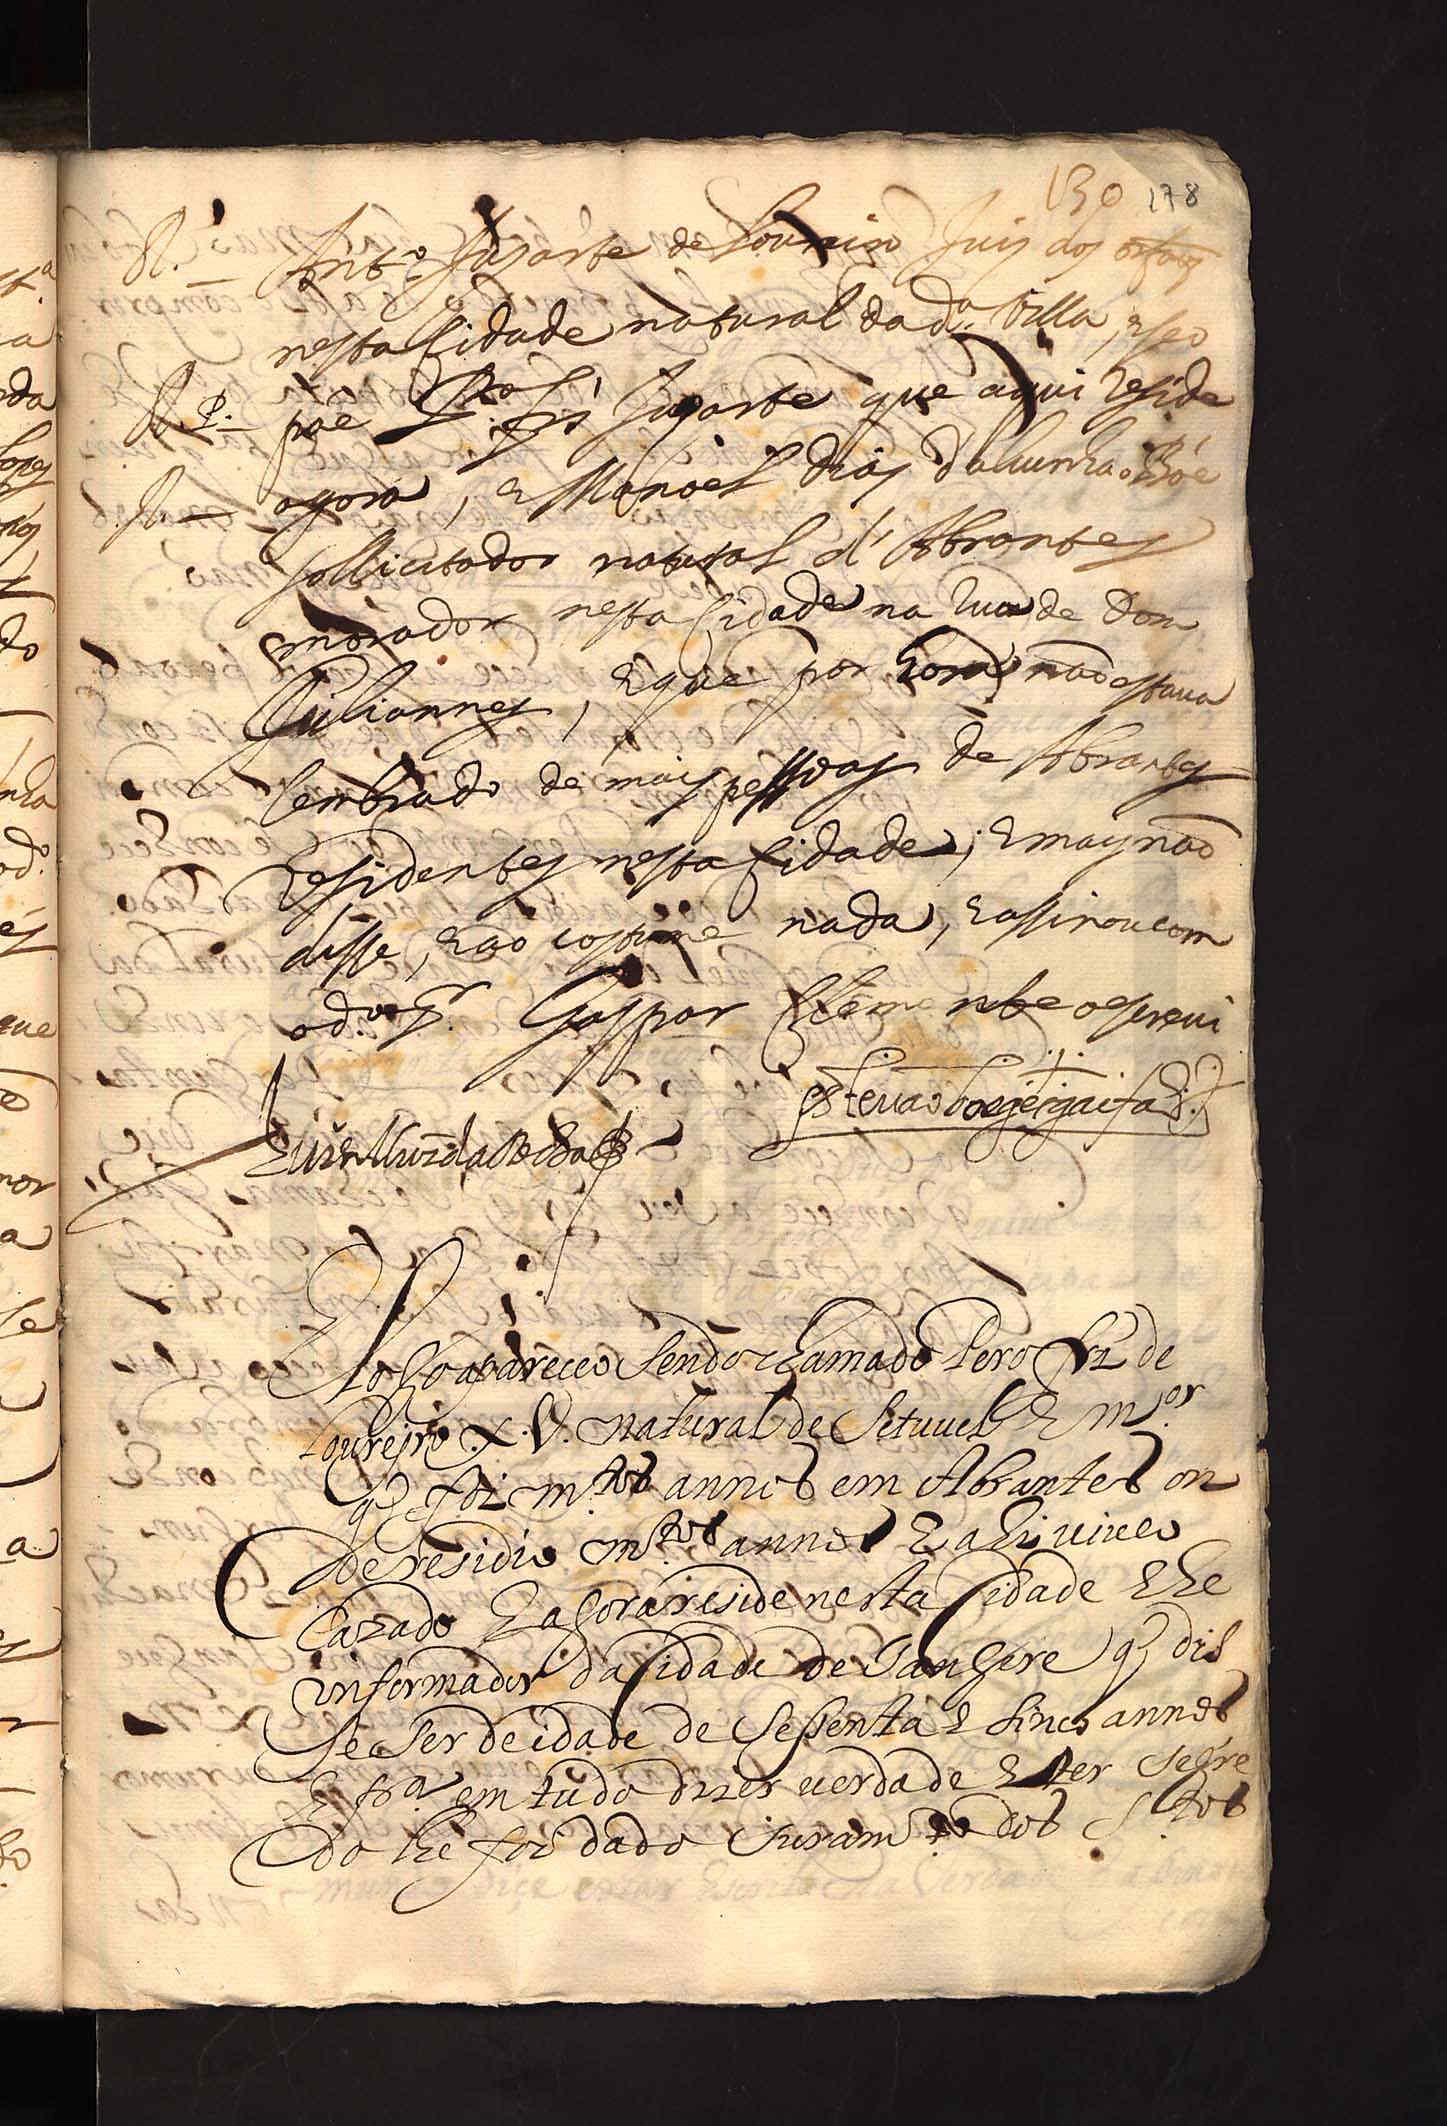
R.
R. P.
R.
Ant.o Juzarte de Loureiro Juiz dos orfãos
nesta Cidade natural da d.a villa, E seo
pae P.o frs̄ Juzarte que aqui reside
agora, E ManoeL dias d'alcunha o Boé
sollicitador naturaL d'Abrantes
morador nesta Cidade na Rua de dom
Juliannes, E que por hora não estaua
lembrado de mais pessoas de Abrantes
residentes nesta Cidade; E mais não
disse, E ao costume nada, E assinou com
o d.o s.r Gaspar Clemente o escreui
E Logo apareceo sendo chamado Pero frz̄ de
Loureiro X. V. naturaL de Setuuel E m.or
q̄ foi m.tos annos em Abrantes on
de residio m.tos annos E ahi uiueo
Cazado E agora reside nesta Cidade E he
informador da Cidade de Tangere q̄ dis
se ser de idade de sessenta E sinco annos
E p.a em tudo dizer uerdade E ter segre
do lhe foi dado Iuramento dos s.tos
